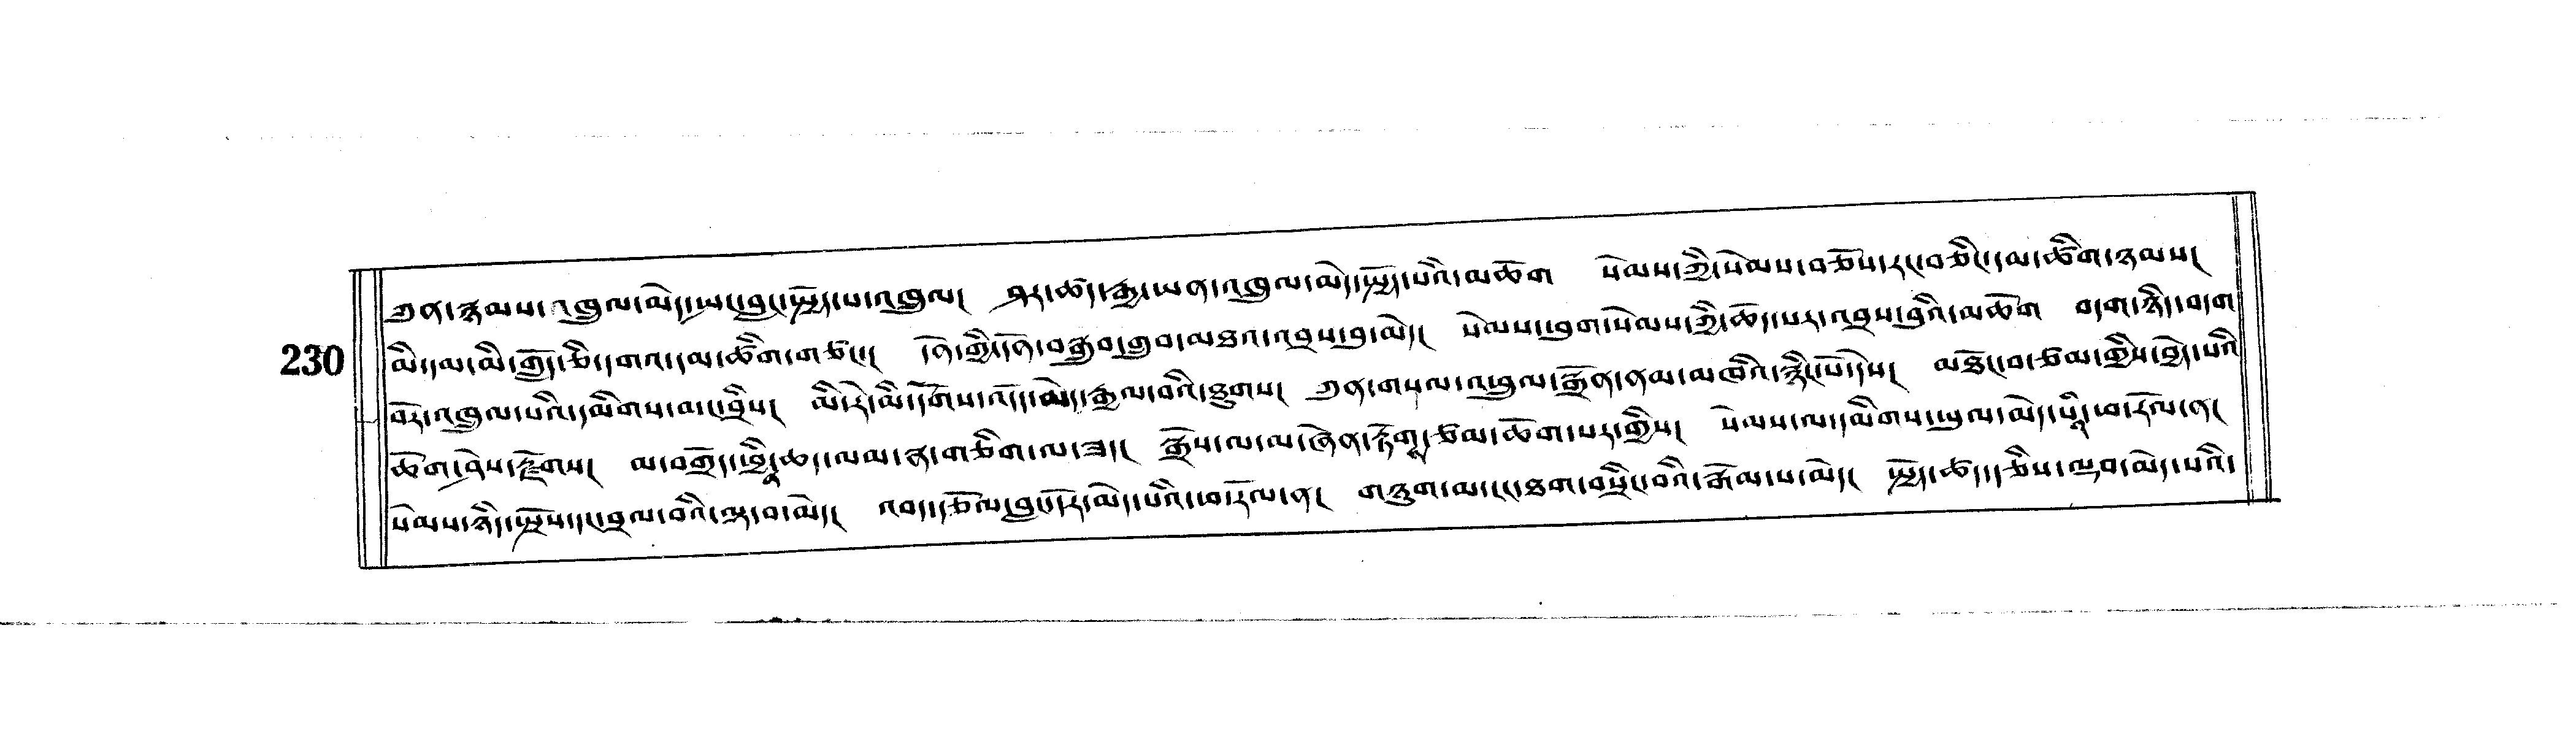ཀུན་རྣམས་འཁྲུལ་མེད་སྤང་བླང་སྤྱོད་པ་འཁྲུལ། ཤར་ཚད་རྒྱ་ཡན་འཁྲུལ་མེད་སྤྱོད་པའི་མཆོག སེམས་ཀྱི་སེམས་བཅོས་རང་བཅིང་དམ་ཚིག་ཉམས། 
མི་དལ་མི་གློད་ཅི་དགའ་དམ་ཚིག་གཙང་། དོན་གྱི་དོན་སྒྲུབ་གྲུབ་མཐའ་འབྲས་བུ་མེད། སེམས་ཕུག་སེམས་ཀྱིས་ཆོད་པར་འབྲས་བུའི་མཆོག བདག་ཉིད་བདག་
བོར་འཁྲུལ་པའི་དམིགས་མང་བྲིས། མི་རེ་མི་དྭོགས་འདོད་མེད་རྒྱལ་བའི་ཐུགས། ཀུན་གསལ་འཕྲུལ་སྒྲོན་ནམ་མཁའི་སྙིང་པོ་དེས། མཐོང་བ་ཙམ་གྱིས་བྱེད་པའི་
ཆོག་ཤེས་རྫོགས། མ་བགྲོད་ཕྱིན་ཆད་ལམ་སྣ་གཅིག་ལ་ཟད། སྒྲོས་ལ་མ་ཞེན་རྟོག་ཙམ་ཆོག་པར་གྱིས། སེམས་ལ་དམིགས་ཡུལ་མེད་པའི་ཕ་རོལ་ན། 
སེམས་ཉིད་སྤྲོས་དང་བྲལ་བའི་ལྟ་བ་མེད། འབད་རྩོལ་བླང་དོར་མེད་པའི་ཕ་རོལ་ན། གཉུག་མ་ངང་ཐག་བསྲིང་བའི་སྒོམ་པ་མེད། སྤྱོད་ཚད་རྩིས་གདབ་མེད་པའི་